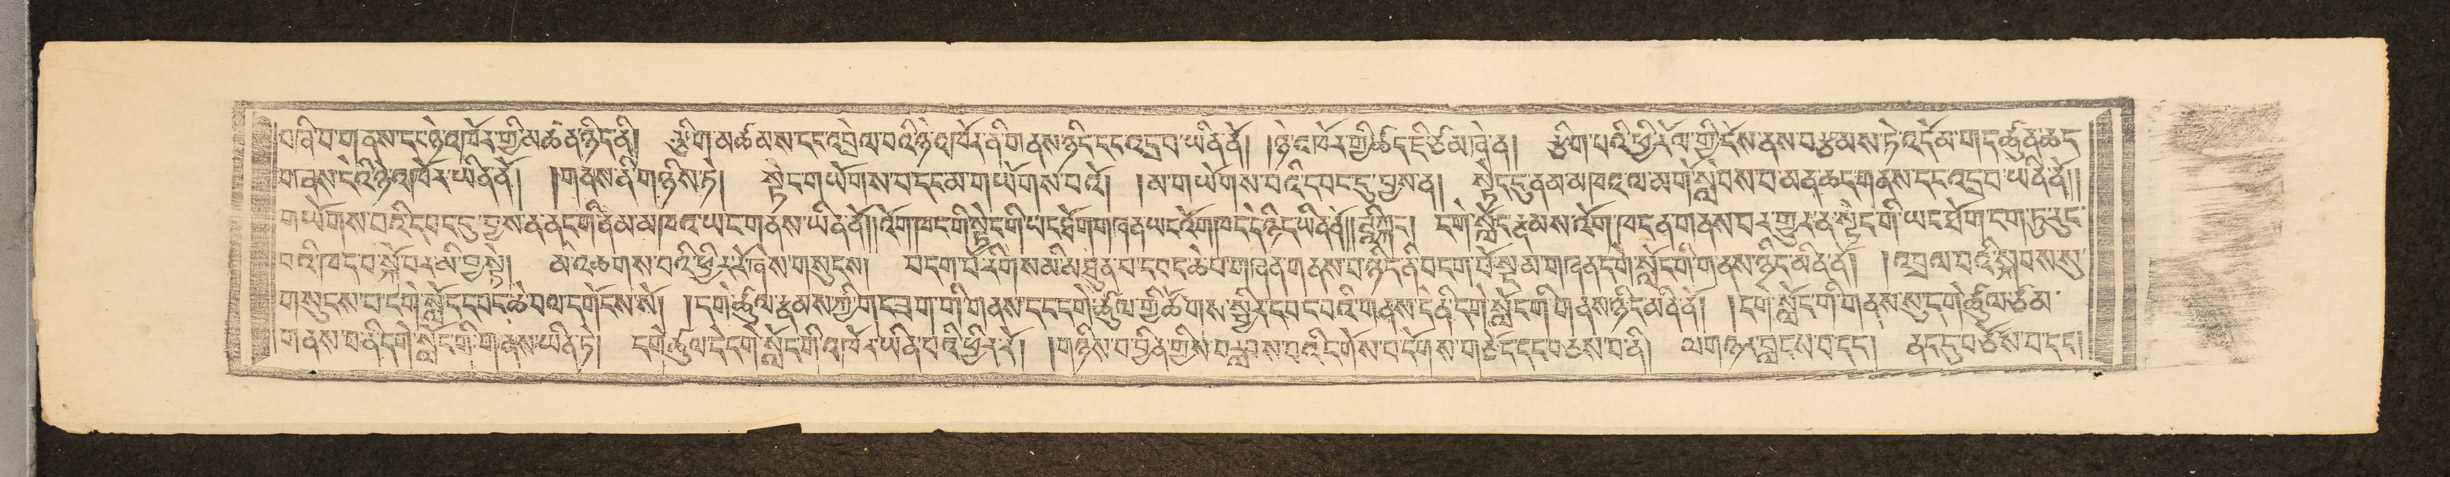བཞི་པ་གནས་དང་ཉེ་འཁོར་གྱི་མཚན་ཉིད་ནི། རྩིག་མཚམས་དང་འབྲེལ་བའི་ཉེ་འཁོར་ནི་གནས་ཉིད་དང་འདྲ་བ་ཡིན་ནོ། །ཉེ་འཁོར་གྱི་ཚད་ཇི་ཙམ་ཞེ་ན། རྩིག་པའི་ཕྱི་རོལ་གྱི་ངོས་ནས་བརྩམས་ཏེ་འདོམ་གང་ཚུན་ཆང་
གནས་དེའི་ཉེ་འཁོར་ཡིན་ནོ། །གནས་ནི་གཉིས་ཏེ། སྟེད་གཡོགས་པ་དང་མ་གཡོགས་པའོ། །མ་ག་ཡོགས་པའི་དབང་དུ་བྱས་ན། སྟེང་དུ་ནམ་མཁའ་ལ་མགོ་སླེབས་པ་མན་ཆད་གནས་དང་འདྲ་བ་ཡིན་ནོ།།
གཡོགས་པའི་དབང་དུ་བྱས་ན་ནང་གི་ནམ་མཁའ་ཡང་གནས་ཡིན་ནོ། །འོག་ཁང་གི་སྟེང་གི་ཡང་ཐོག་གཞན་ཡང་འོག་ཁང་དེ་ཉིད་ཡིན་ནོ། །ཊཱིཀྐར། དགེ་སློང་རྣམས་འོག་ཁང་ན་གནས་པར་གྱུར་ན་སྟེད་གི་ཡང་ཐོག་དག་ཏུ་རུང་
པའི་ཁང་པ་སྐོ་བར་མི་བྱ་སྟེ། མི་འཆགས་པའི་ཕྱིར་རོ་ཞེས་གསུངས། བདག་པོ་རིགས་མི་མཐུན་པ་དབང་ཆེ་བ་གཞན་གནས་པ་ཉིད་ནི་བདག་པོ་སྔ་མ་གཞན་དགེ་སློང་གི་གནས་ཉིད་མིན་ནོ། །འབྲལ་བའི་སྐབས་སུ་
གསུངས་པ་དགེ་སློང་དབང་ཆེ་བ་ལ་དགོངས་སོ། །དགེ་ཚུལ་རྣམས་ཀྱི་གང་ཟག་གི་གནས་དང་དགེ་ཚུལ་གྱི་ཚོགས་སྤྱིར་དབང་བའི་གནས་དེ་ནི་དགེ་སློང་གི་གནས་ཉིད་མིན་ནོ། །དགེ་སློང་གི་གནས་སུ་དགེ་ཚུལ་ཙམ་
གནས་པ་ནི་དགེ་སློང་གི་གནས་ཡིན་ཏེ། དགེ་ཚུལ་དེ་དགེ་སློང་གི་འཁོར་ཡིན་པའི་ཕྱིར་རོ། །གཉིས་པ་བྱིན་གྱིས་བརླབས་པའི་དགོས་པ་དོགས་གཅོད་དང་བཅས་པ་ནི། ལག་ཉར་བླངས་པ་དང་། ནད་དུ་བཙོས་པ་དང་།